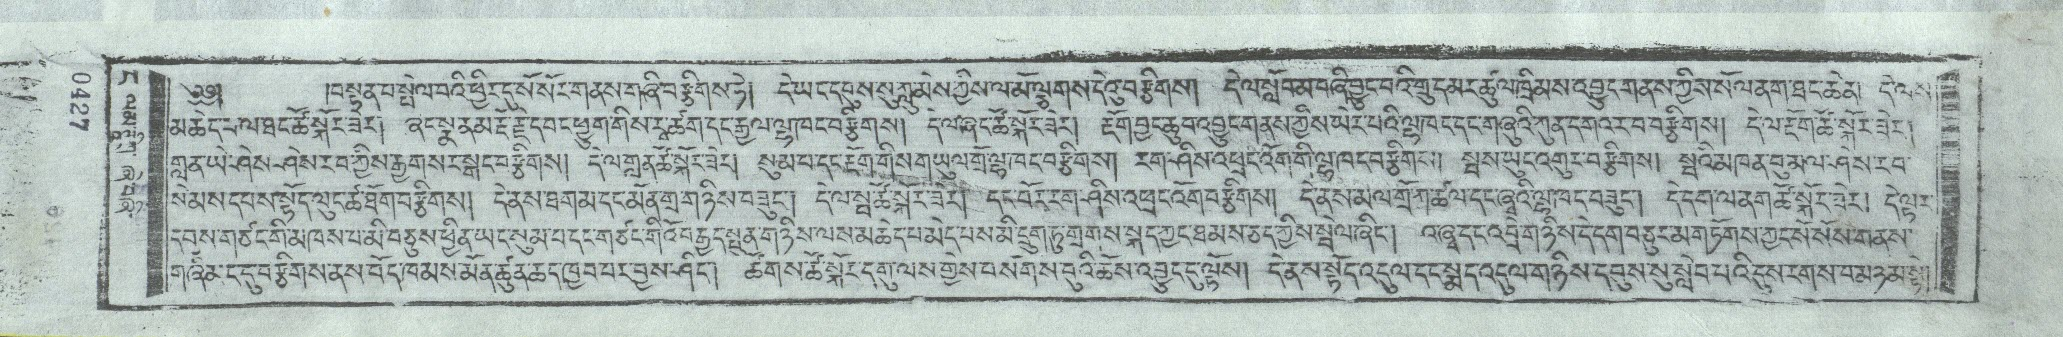༄༅། །བསྟན་པ་སྤེལ་བའི་བྱིར་དུ་སོ་སོར་གནས་གཞི་བརྩིགས་ཏེ། དེ་ཡང་དབུས་སུ་ཀླུ་མེས་ཀྱིས་ལ་མོ་ལྕགས་དེའུ་བརྩིགས། དེ་ལ་སློབ་མ་བའི་བྱུང་བའི་གྲུར་མར་ཚུལ་ཁྲིམས་འབྱུང་གནས་ཀྱིས་སོལ་ནག་ཐང་ཆེམ་དེ་ལས་
མཆེད་པ་ལ་ཐང་ཚོ་སྐོར་ཟེར། ཞང་སྣ་ནམ་རྡོ་རྗེ་དབང་ཕྱུག་གིས་རྭ་ཚག་དང་རྒྱལ་ལྷ་ཁང་བརྩིགས། དེ་ལ་ཞང་ཚོ་སྐོར་ཟེར། རྡོག་བྱང་ཆུབ་འབྱུང་གནས་ཀྱིས་སེར་བའི་ལྷ་བར་དང་གཞུའི་ཀུན་དགའ་?་བརྩིག་སྣ། དེ་ལ་རྡོག་ཚོ་སྒོར་ཟེར།
གླན་ཡེ་ཤེས་ཤེས་རབ་ཀྱིས་རྒྱ་གསར་སྒང་བརྩིགས། དེ་ལ་གླན་ཚོ་སྐོར་ཟེར། སུམ་པ་དང་རྡོག་གིས་གཡུལ་གྲོ་ལྷ་ཁང་བརྩིགས། རག་ཤེས་འཕྲང་འོག་གི་ལྷ་བར་བརྩིགས། སྦས་ལུང་འགུང་བརྩིགས། པའི་མཁན་བུ་མལ་ཤེས་རབ་
སེམས་དབས་སྟོད་ལུང་ཚ་ཐོག་བརྩིགས། དེ་ནས་ཐག་མ་དང་མོན་གྲ་གཉིས་བཟུང་། དེ་ལ་སྦ་ཚོ་སྐོར་ཟེར། དང་བོར་རག་ཤིས་འཕྲང་འོག་བརྩིགས། དེ་ནས་མལ་གྲོ་ཀ་ཚལ་དང་ཞྭའི་ལྷ་ཁང་བཟུང་། དེ་དག་ལ་ནག་ཚོ་སྐོར་ཟེར། དེ་ལྟར་
དབས་གཙང་གི་མཁས་པ་མི་བཅུས་ཕྱིན་ཡང་སུམ་པ་དང་གཙང་གིའོ་བརྒྱད་སྤུན་གཉིས་ལས་མཚད་པ་མེད་བས་མི་དྲུག་ཏུ་གྲགས་སྐད་ཀྱང་ཐམས་ཅད་ཀྱིས་སྦེལ་ཞིང་། འྮྭ་དང་འབྲེ་གཉིས་དེ་དག་བཅུར་མ་གཏོགས་ཀྱང་སོ་སོས་གནས་
གཞིམ་ང་དུ་བརྩིགས་ནས་བོད་ཁམས་མོན་ཚུན་ཆད་ཁྱབ་པར་བྱས་ཤིང་། ཚོགས་ཚོ་སྐོར་དགུ་ལས་གྱེས་བ་སོགས་བུའི་ཆོས་འབྱུང་དུ་ལྟོས། དེ་ནས་སྟོད་འདུལ་དང་སྨད་འདུལ་གཉིས་དབུས་སུ་སླེབ་པའི་དུས་རགས་པ་མཉམ་སྟེ།